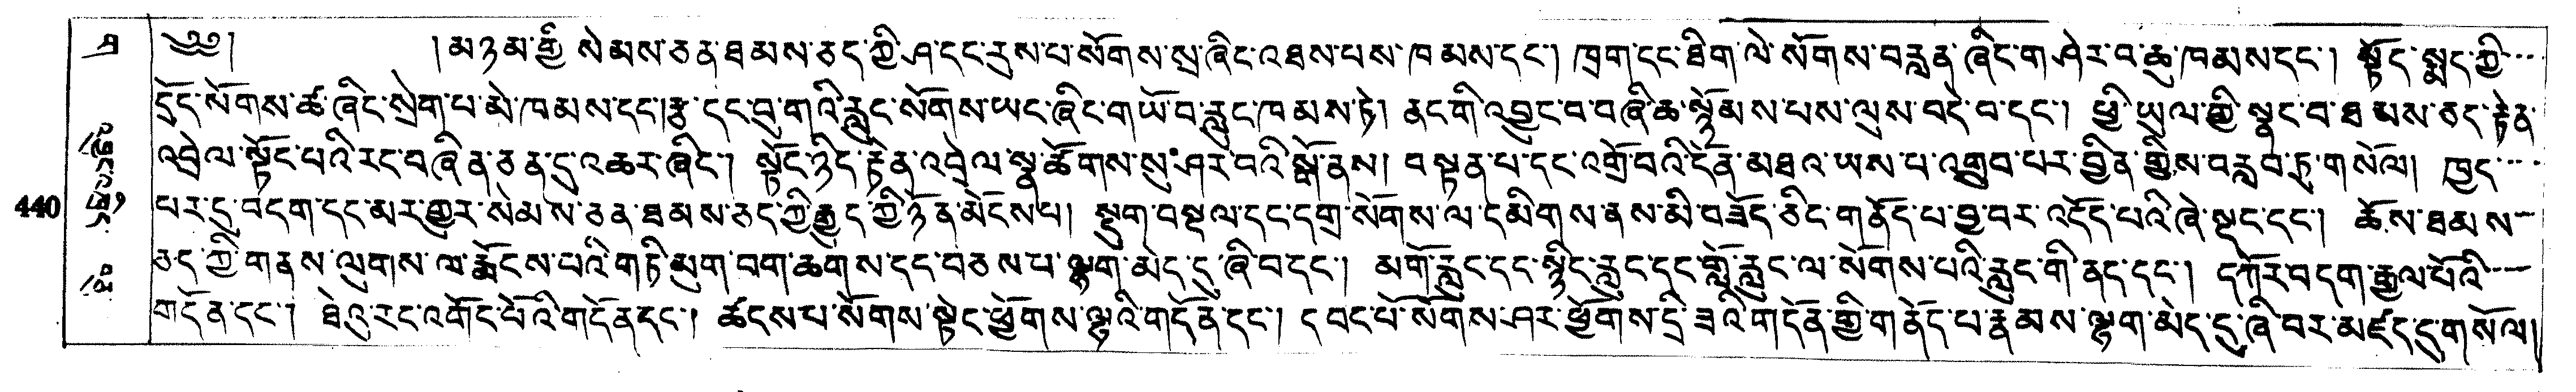༄༅། །མཉམ་གྱི་སེམས་ཅན་ཐམས་ཅད་ཀྱི་ཤ་དང་རུས་པ་སོགས་སྲ་ཞིང་འཐས་པས་ཁམས་དང་། ཁྲག་དང་ཐིག་ལེ་སོགས་བརླན་ཞིང་གཤེར་བ་ཆུ་ཁམས་དང་། སྟོད་སྨད་ཀྱི་
དྲོད་སོགས་ཚ་ཞིང་སྲེག་པ་མེ་ཁམས་དང་། རྩ་དང་བུ་གའི་རླུང་སོགས་ཡང་ཞིང་གཡོ་བ་རླུང་ཁམས་ཏེ། ནང་གི་འབྱུང་བ་བཞི་ཆ་སྙོམས་པས་ལུས་བདེ་བ་དང་། ཕྱི་ཡུལ་གྱི་སྣང་བ་ཐམས་ཅད་རྟེན་
འབྲེལ་སྟོང་པའི་རང་བཞིན་ཅན་དུ་འཆར་ཞིང་། སྟོང་ཉིད་རྟེན་འབྲེལ་སྣ་ཚོགས་སུ་ཤར་བའི་སྒོ་ནས། བསྟན་པ་དང་འགྲོ་བའི་དོན་མཐའ་ཡས་པ་འགྲུབ་པར་བྱིན་གྱིས་བརླབ་ཏུ་གསོལ། ཁྱད་
པར་དུ་བདག་དང་མར་གྱུར་སེམས་ཅན་ཐམས་ཅད་ཀྱི་རྒྱུད་ཀྱི་ཉོན་མོངས་པ། སྡུག་བསྔལ་དང་དགྲ་སོགས་ལ་དམིགས་ནས་མི་བཟོད་ཅིང་གནོད་པ་བྱ་བར་འདོད་པའི་ཞེ་སྡང་དང་། ཆོས་ཐམས་
ཅད་ཀྱི་གནས་ལུགས་ལ་རྨོངས་པའི་གཏི་མུག་བག་ཆགས་དང་བཅས་པ་ལྷག་མེད་དུ་ཞི་བ་དང་། མགོ་རླུང་དང་སྙིང་རླུང་དང་གློ་རླུང་ལ་སོགས་པའི་རླུང་གི་ནད་དང་། དཀོར་བདག་རྒྱལ་པོའི་
གདོན་དང་། ཐེའུ་རང་འགོང་པོའི་གདོན་དང་། ཚངས་པ་སོགས་སྟེང་ཕྱོགས་ལྷའི་གདོན་དང་། དབང་པོ་སོགས་ཤར་ཕྱོགས་དྲི་ཟའི་གདོན་གྱི་གནོད་པ་རྣམས་ལྷག་མེད་དུ་ཞི་བར་མཛད་དུ་གསོ་